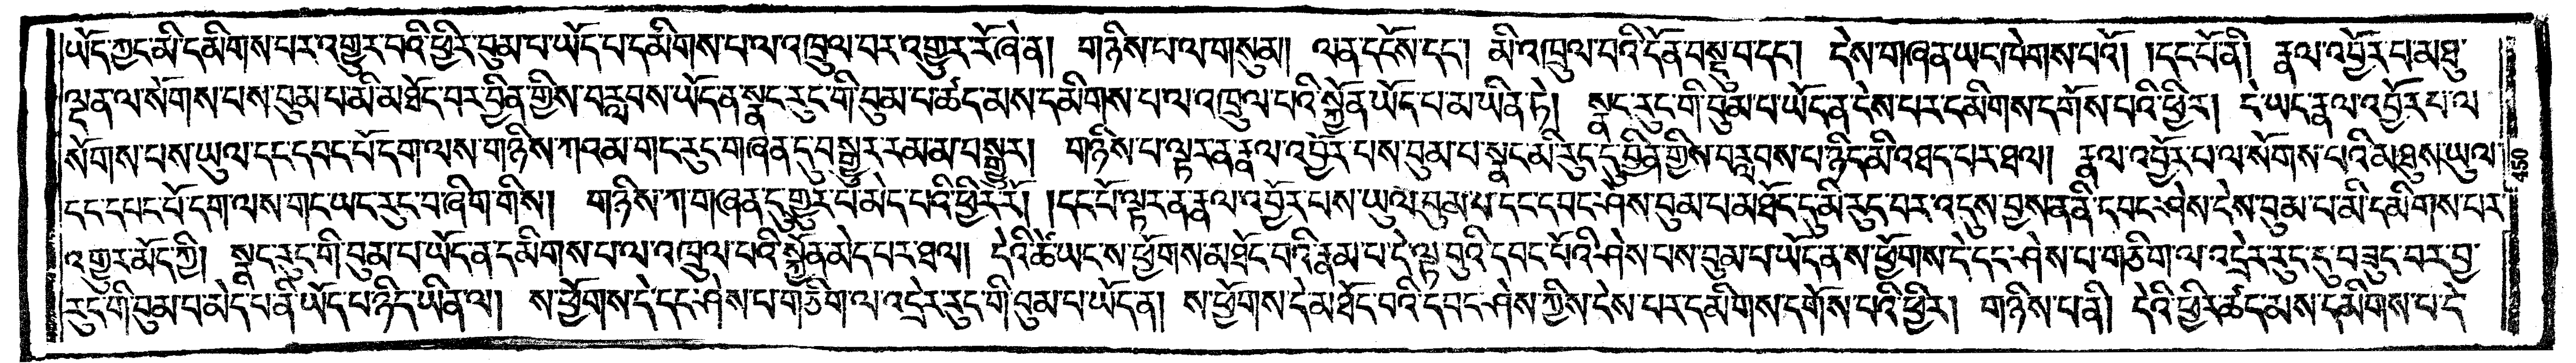པ་མེད་པའི་ཐ་སྙད་སྒྲུབ་པར་མི་བྱེད་པས་རེ་ཞིག་བུམ་པ་དམིགས་རུང་མི་དམིགས་པ་དེ་ཉིད་ཚད་མས་ཅི་ལྟར་འགྲུབ་ཅེ་ན། གཉིས་པ་ནི། བུམ་པ་དམིགས་རུང་མ་དམིགས་པ་ཚད་མས་མ་གྲུབ་པའི་སྐྱོན་མེད་པར་ཐལ། དེ་ཚད་མ་གང་གིས་
གྲུབ་པ་འདི་ནི་འོག་ཏུ། དེས་ན་མི་དམིགས་པ་འདི་ནི། །མངོན་སུམ་ཉིད་ཀྱིས་གྲུབ་པ་ཡིན། ཅེས་འཆད་པར་འགྱུར་བའི་ཕྱིར། གཉིས་པ་སྦྱོར་བའི་དབྱེ་བ་ལ་གསུམ། མཚམས་སྦྱར་བ་དང་། རྩ་བ་དང་། འགྲེལ་པའོ། །དང་པོ་ནི། མི་དམིགས་
པའི་གཏན་ཚིགས་དེ་ཡང་དུ་ཡོད་ཅེ་ན། གཉིས་པ་ནི། མ་དམིགས་པའི་གཏན་ཚིགས་དེ་ཡང་ཆོས་ཅན། སྒྲའི་བྱེད་པ་འཇུག་པའི་བྱེ་བྲག་གིས་རྣམ་པ་བཞི་ཡོད་དེ། སྦྱོར་བའི་བྱེ་བྲག་གིས་རང་བཞིན་འགལ་དམིགས་དང་འགལ་འབྲས་དམིགས་
པ་དང་རྒྱུ་མ་དམིགས་པ་དང་རང་བཞིན་མ་དམིགས་པའི་གཏན་ཚིགས་རྣམས་སུ་ཡོད་པའི་ཕྱིར། དེ་ཡང་འདིར་དངོས་སུ་བཞི་ལས་མ་སྨོས་པའི་རྒྱུ་མཚན་དང་། རྒྱས་པར་དབྱེ་ན་བཅུར་འགྱུར་བའི་ཚུལ་གཉིས་ཀྱིས་ཤེས་པར་བྱའོ། །དང་པོ་ནི།
མདོ་མཛད་པས་དངོས་སུ་གསུངས་པ་དང་མཐུན་པར་མཛད་པ་ཡིན་ལ། མདོ་མཛད་པས་དེ་ལྟར་མཛད་པའི་རྒྱུ་མཚན་ཡང་མ་དམིགས་པའི་གཏན་ཚིགས་བཅུ་པོ་ཡང་། འགལ་ཟླ་བསྒྲུབས་ནས་འགོག་པ་དང་། འབྲེལ་ཡུལ་བཀག་ནས་
འགོག་པ་གཉིས་སུ་འདུས་ལ་སྡུད་བྱེད་ཀྱི་གཙོ་བོ་ཡང་རྣམ་པ་བཞིར་འདུས་པ་ཡིན་ནོ། །དེས་ན་སྡུད་བྱེད་ཀྱི་གཙེ་པའི་དབང་དུ་བྱས་ནས་བཞིར་བཞག་གོ །སློབ་དཔོན་བྲམ་ཟེ་ཆེན་པོ་ནི་འདིར་བཤད་པ་གཏན་ཚིགས་ཀྱི་མཚན་གཞིའི་དབྱེ་བ་གཏན་